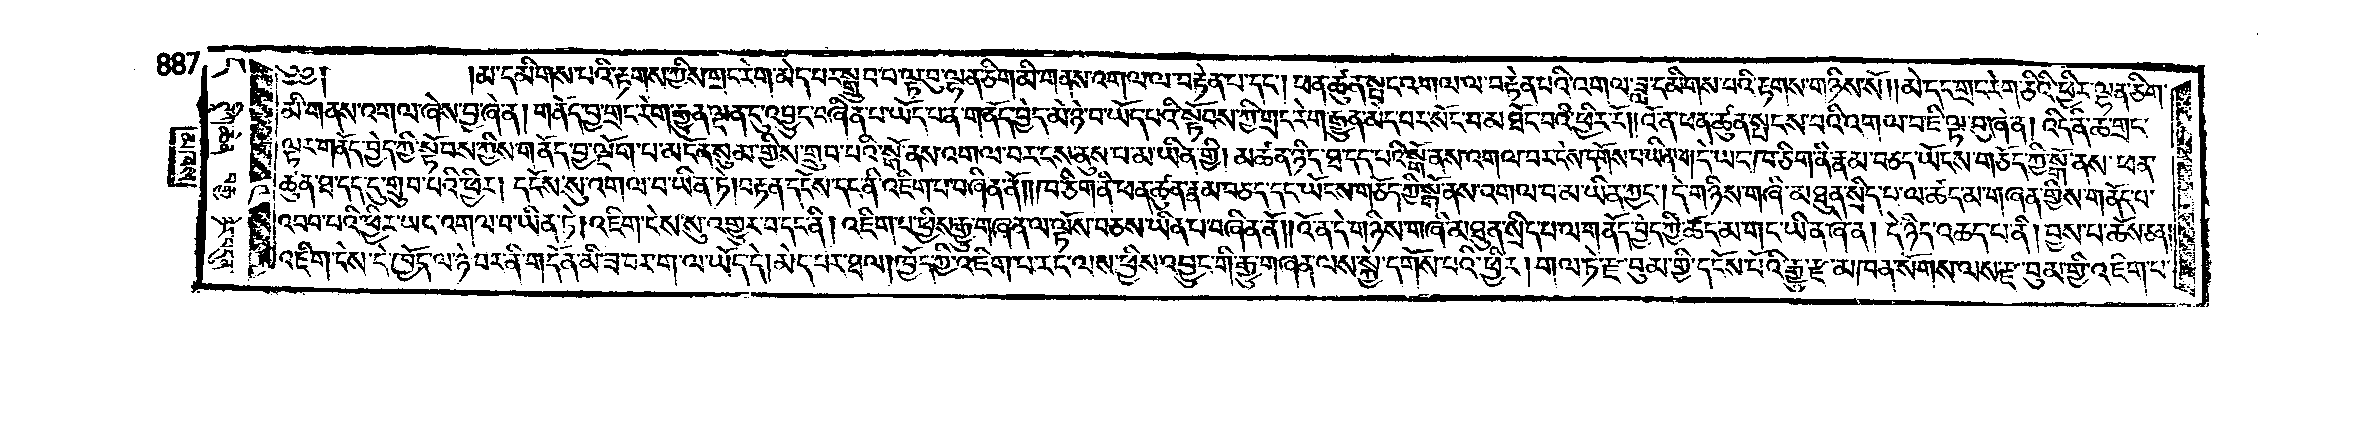༄༅། །མ་དམིགས་པའི་རྟགས་ཀྱིས་གྲང་རེག་མེད་པར་སྒྲུབ་པ་ལྟ་བུ་ལྷན་ཅིག་མི་གནས་འགལ་ལ་བརྟེན་པ་དང་། ཕན་ཚུན་སྤང་འགལ་ལ་བརྟེན་པའི་འགལ་ཟླ་དམིགས་པའི་རྟགས་གཉིས་སོ། །མེ་དང་གྲང་རེག་ཅིའི་ཕྱིར་ལྷན་ཅིག་
མི་གནས་འགལ་ཞེས་བྱ་ཞེ་ན། གནོད་བྱ་གྲང་རེག་རྒྱུན་ལྡན་དུ་འབྱུང་བཞིན་པ་ཡོད་པ་ན་གནོད་བྱེད་མེ་ཉེ་བ་ཡོད་པའི་སྟོབས་ཀྱི་གྲང་རེག་རྒྱུན་མེད་པར་སོང་བ་མཐོང་བའི་ཕྱིར་རོ། །འོ་ན་ཕན་ཚུན་སྤངས་པའི་འགལ་བ་ཇི་ལྟ་བུ་ཞེ་ན། འདི་ནི་ཚ་གྲང་
ལྟར་གནོད་བྱེད་ཀྱི་སྟོབས་ཀྱིས་གནོད་བྱ་ལྡོག་པ་མངོན་སུམ་གྱིས་གྲུབ་པའི་སྒོ་ནས་འགལ་བར་ངེས་ནུས་པ་མ་ཡིན་གྱི། མཚན་ཉིད་ཐ་དད་པའི་སྒོ་ནས་འགལ་བར་ངེས་དགོས་པ་ཡིན་ལ། དེ་ཡང་ཁ་ཅིག་ནི་རྣམ་བཅད་ཡོངས་གཅོད་ཀྱི་སྒོ་ནས་ཕན་
ཚུན་ཐ་དད་དུ་གྲུབ་པའི་ཕྱིར། དངོས་སུ་འགལ་བ་ཡིན་ཏེ། བརྟན་དངོས་དང་ནི་འཇིག་པ་བཞིན་ནོ། །ཁ་ཅིག་ནི་ཕན་ཚུན་རྣམ་བཅད་དང་ཡོངས་གཅོད་ཀྱི་སྒོ་ནས་འགལ་བ་མ་ཡིན་ཀྱང་། དེ་གཉིས་གཞི་མཐུན་སྲིད་པ་ལ་ཚད་མ་གཞན་གྱིས་གནོད་པ་
འབབ་པའི་ཕྱིར་ཡང་འགལ་བ་ཡིན་ཏེ། འཇིག་ངེས་སུ་འགྱུར་བ་དང་ནི། འཇིག་པ་ཕྱིས་རྒྱུ་གཞན་ལ་ལྟོས་བཅས་པ་བཞིན་ནོ། །འོ་ན་དེ་གཉིས་གཞི་མཐུན་སྲིད་པ་ལ་གནོད་བྱེད་ཀྱི་ཚད་མ་གང་ཡིན་ཞེ་ན། དེ་ཉིད་འཆད་པ་ནི། བྱས་པ་ཆོས་ཅན་
འཇིག་ངེས་དེ་ཁྱོད་ལ་ཉེ་བར་ནི་གདོན་མི་ཟ་བར་ག་ལ་ཡོད་དེ། མེད་པར་ཐལ། ཁྱོད་ཀྱི་འཇིག་པ་རང་ལས་ཕྱིས་འབྱུང་གི་རྒྱུ་གཞན་ལས་སྐྱེ་དགོས་པའི་ཕྱིར། གལ་ཏེ་རྫ་བུམ་གྱི་དངོས་པོའི་རྒྱུ་རྫ་མཁན་སོགས་ལས་རྫ་བུམ་གྱི་འཇིག་པ་